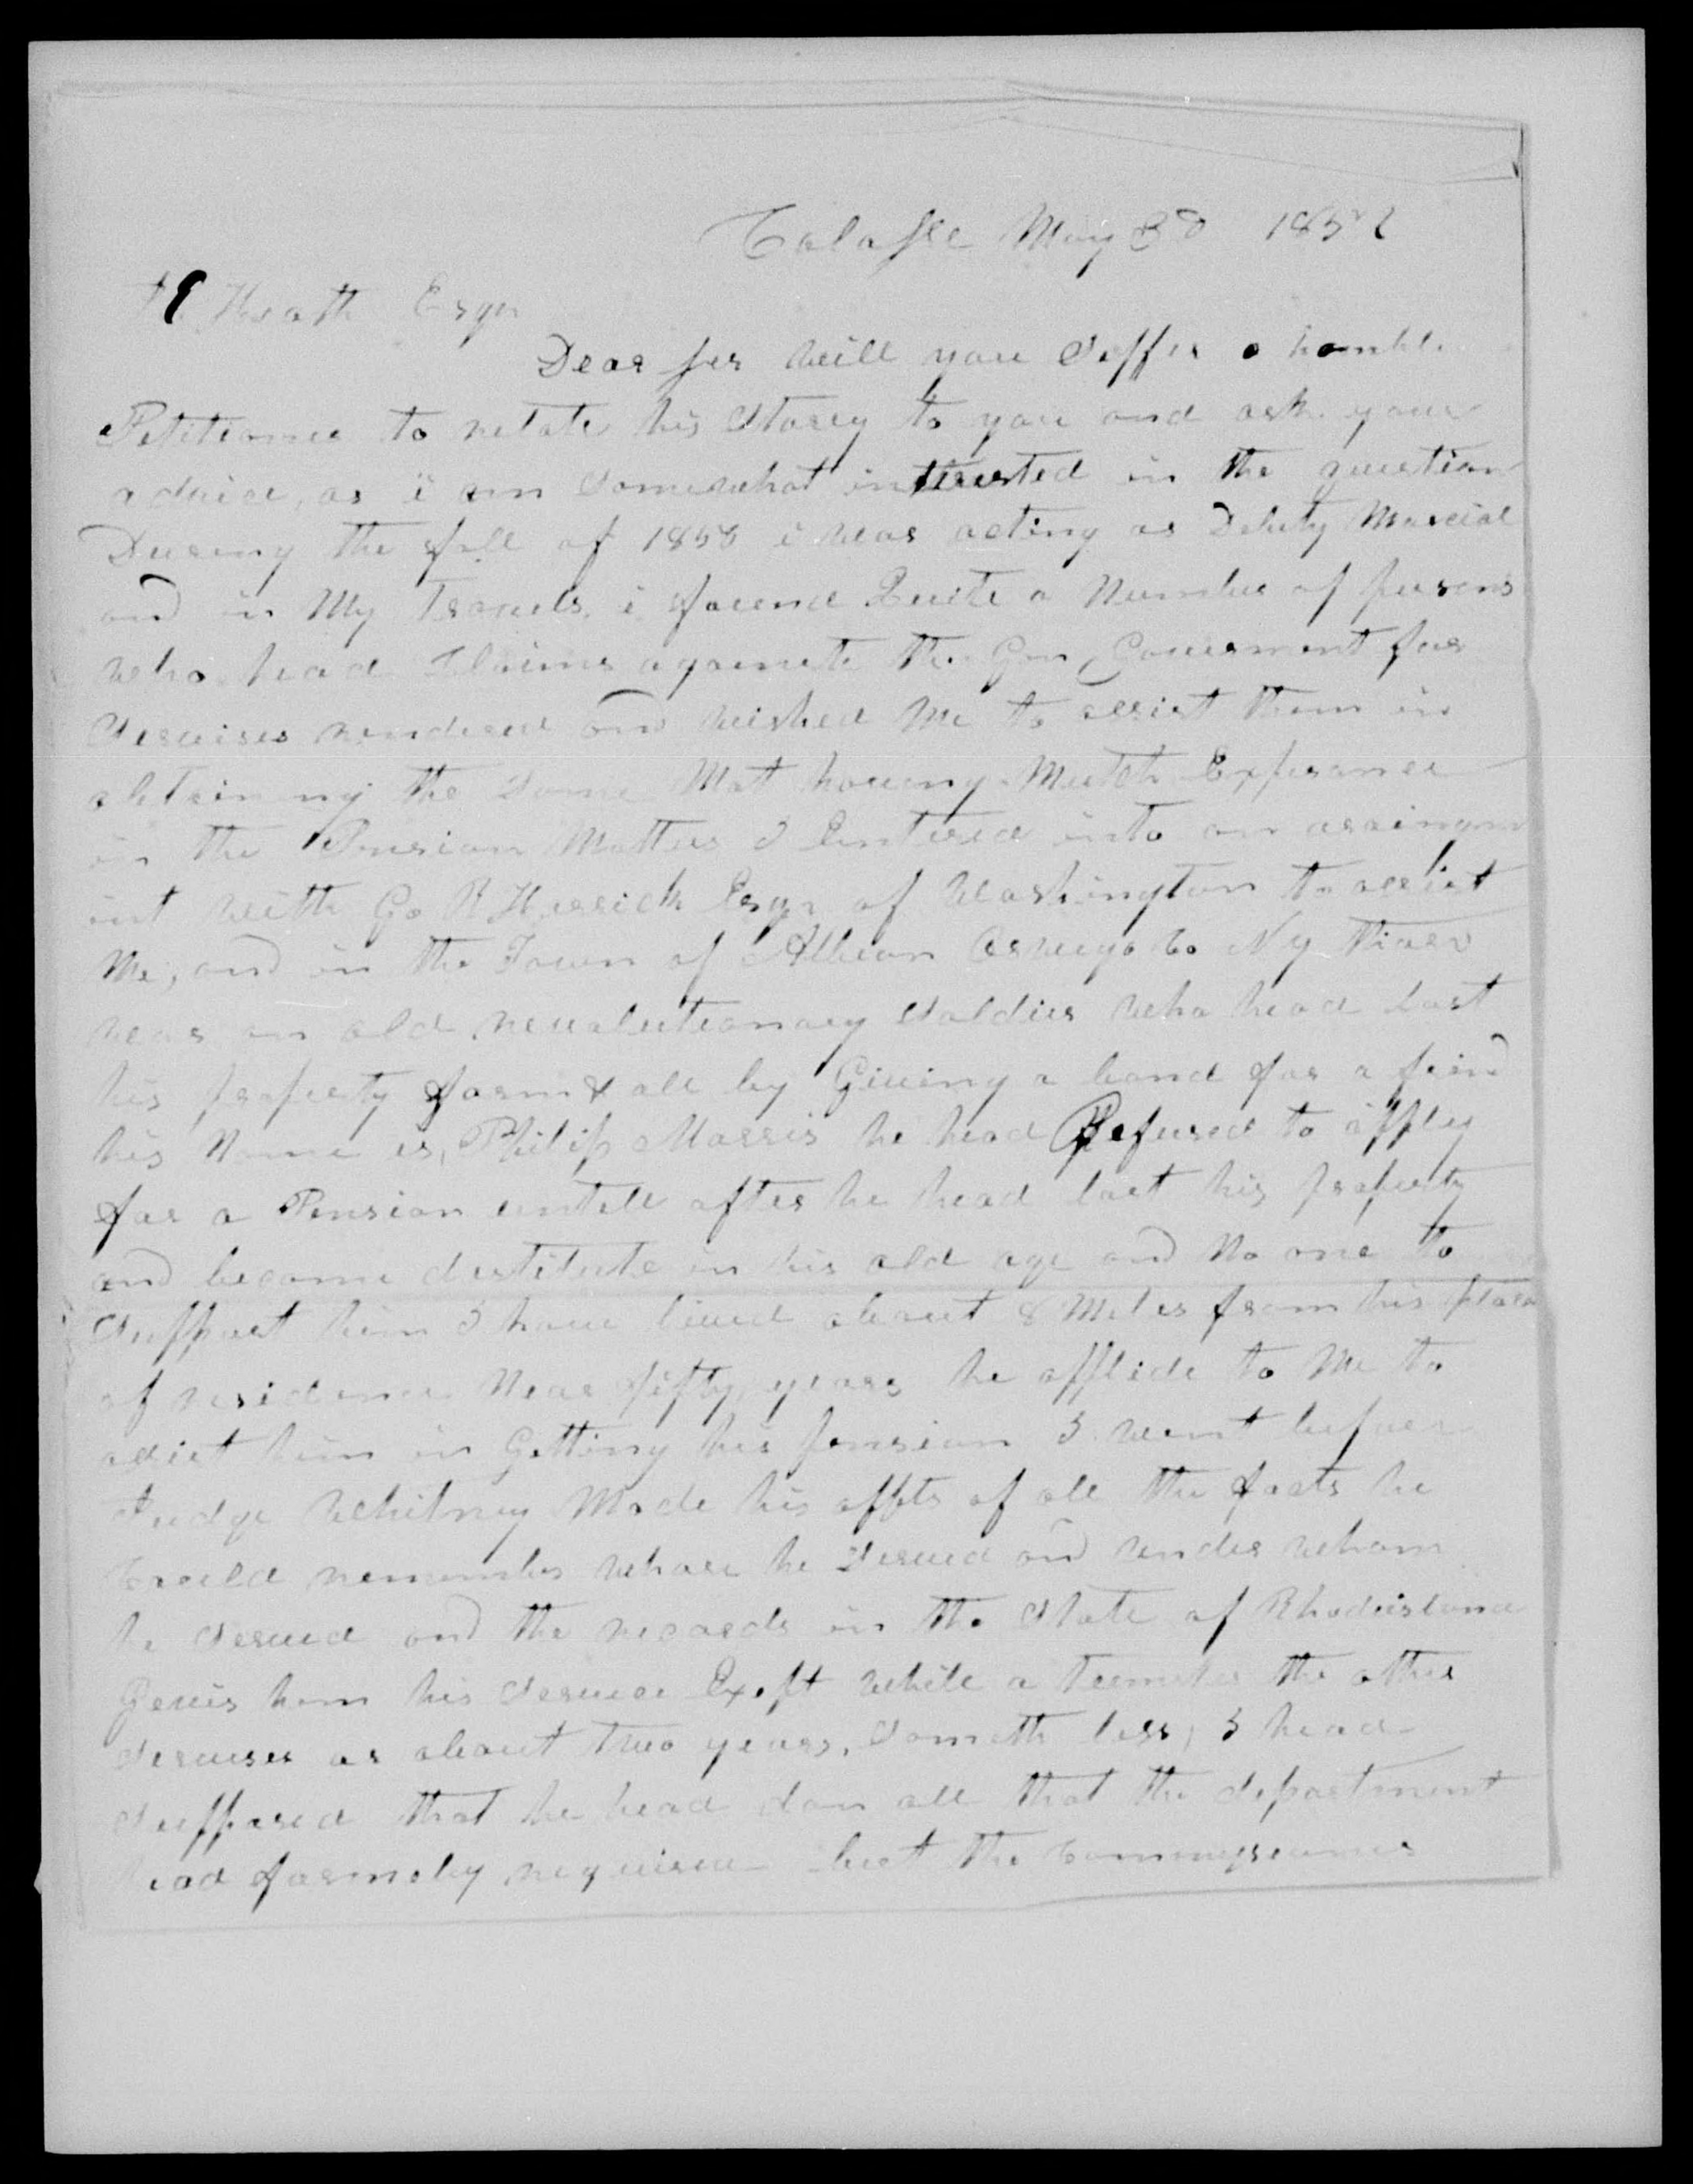Calafee May 8 1832
H Heath Esqu
Dear sir will you suffer a humble Petitioner to relate his story to you and ask your 
advice as I am somewhat interested in the question.
During the fall of 1856 I was acting as Deputy Marshall and in my travels I found quite a number of persons who had claims against the Gen Government for Services rendered and wished me to assist them in obtaining the [unreadable]. Not having much experience in the Pension Matters I entered into an assignment with George R. Herrick Esq. of Washington to assist me, and in the town of Albian Oswego County New York there was an old revolutionary soldier who had lost his property farm and all by giving a hand for a friend.  His name is, Phillip Morris he had refused to apply for a pension until after he had lost his property and became destitute in his old age and no one to support him.  I have lived about 8 miles from his place of residence Near fifty years.  He applied to me to assist him in getting his pension I went before Judge Whitney made his affidavits of all the facts he could remember where he served and under whom he served and the records in the State of Rhode Island gives him his service  Except while a teamster.  the other Services as about two years, somewhat less 3 years.  I suppose that he suffered that he [unreadable] all that the department had formerly required but the consequences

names: Philip Morris; Go R Herrick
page: 11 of 44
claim: survivor's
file: S. 28,815, for Philip Morris, Rhode Island